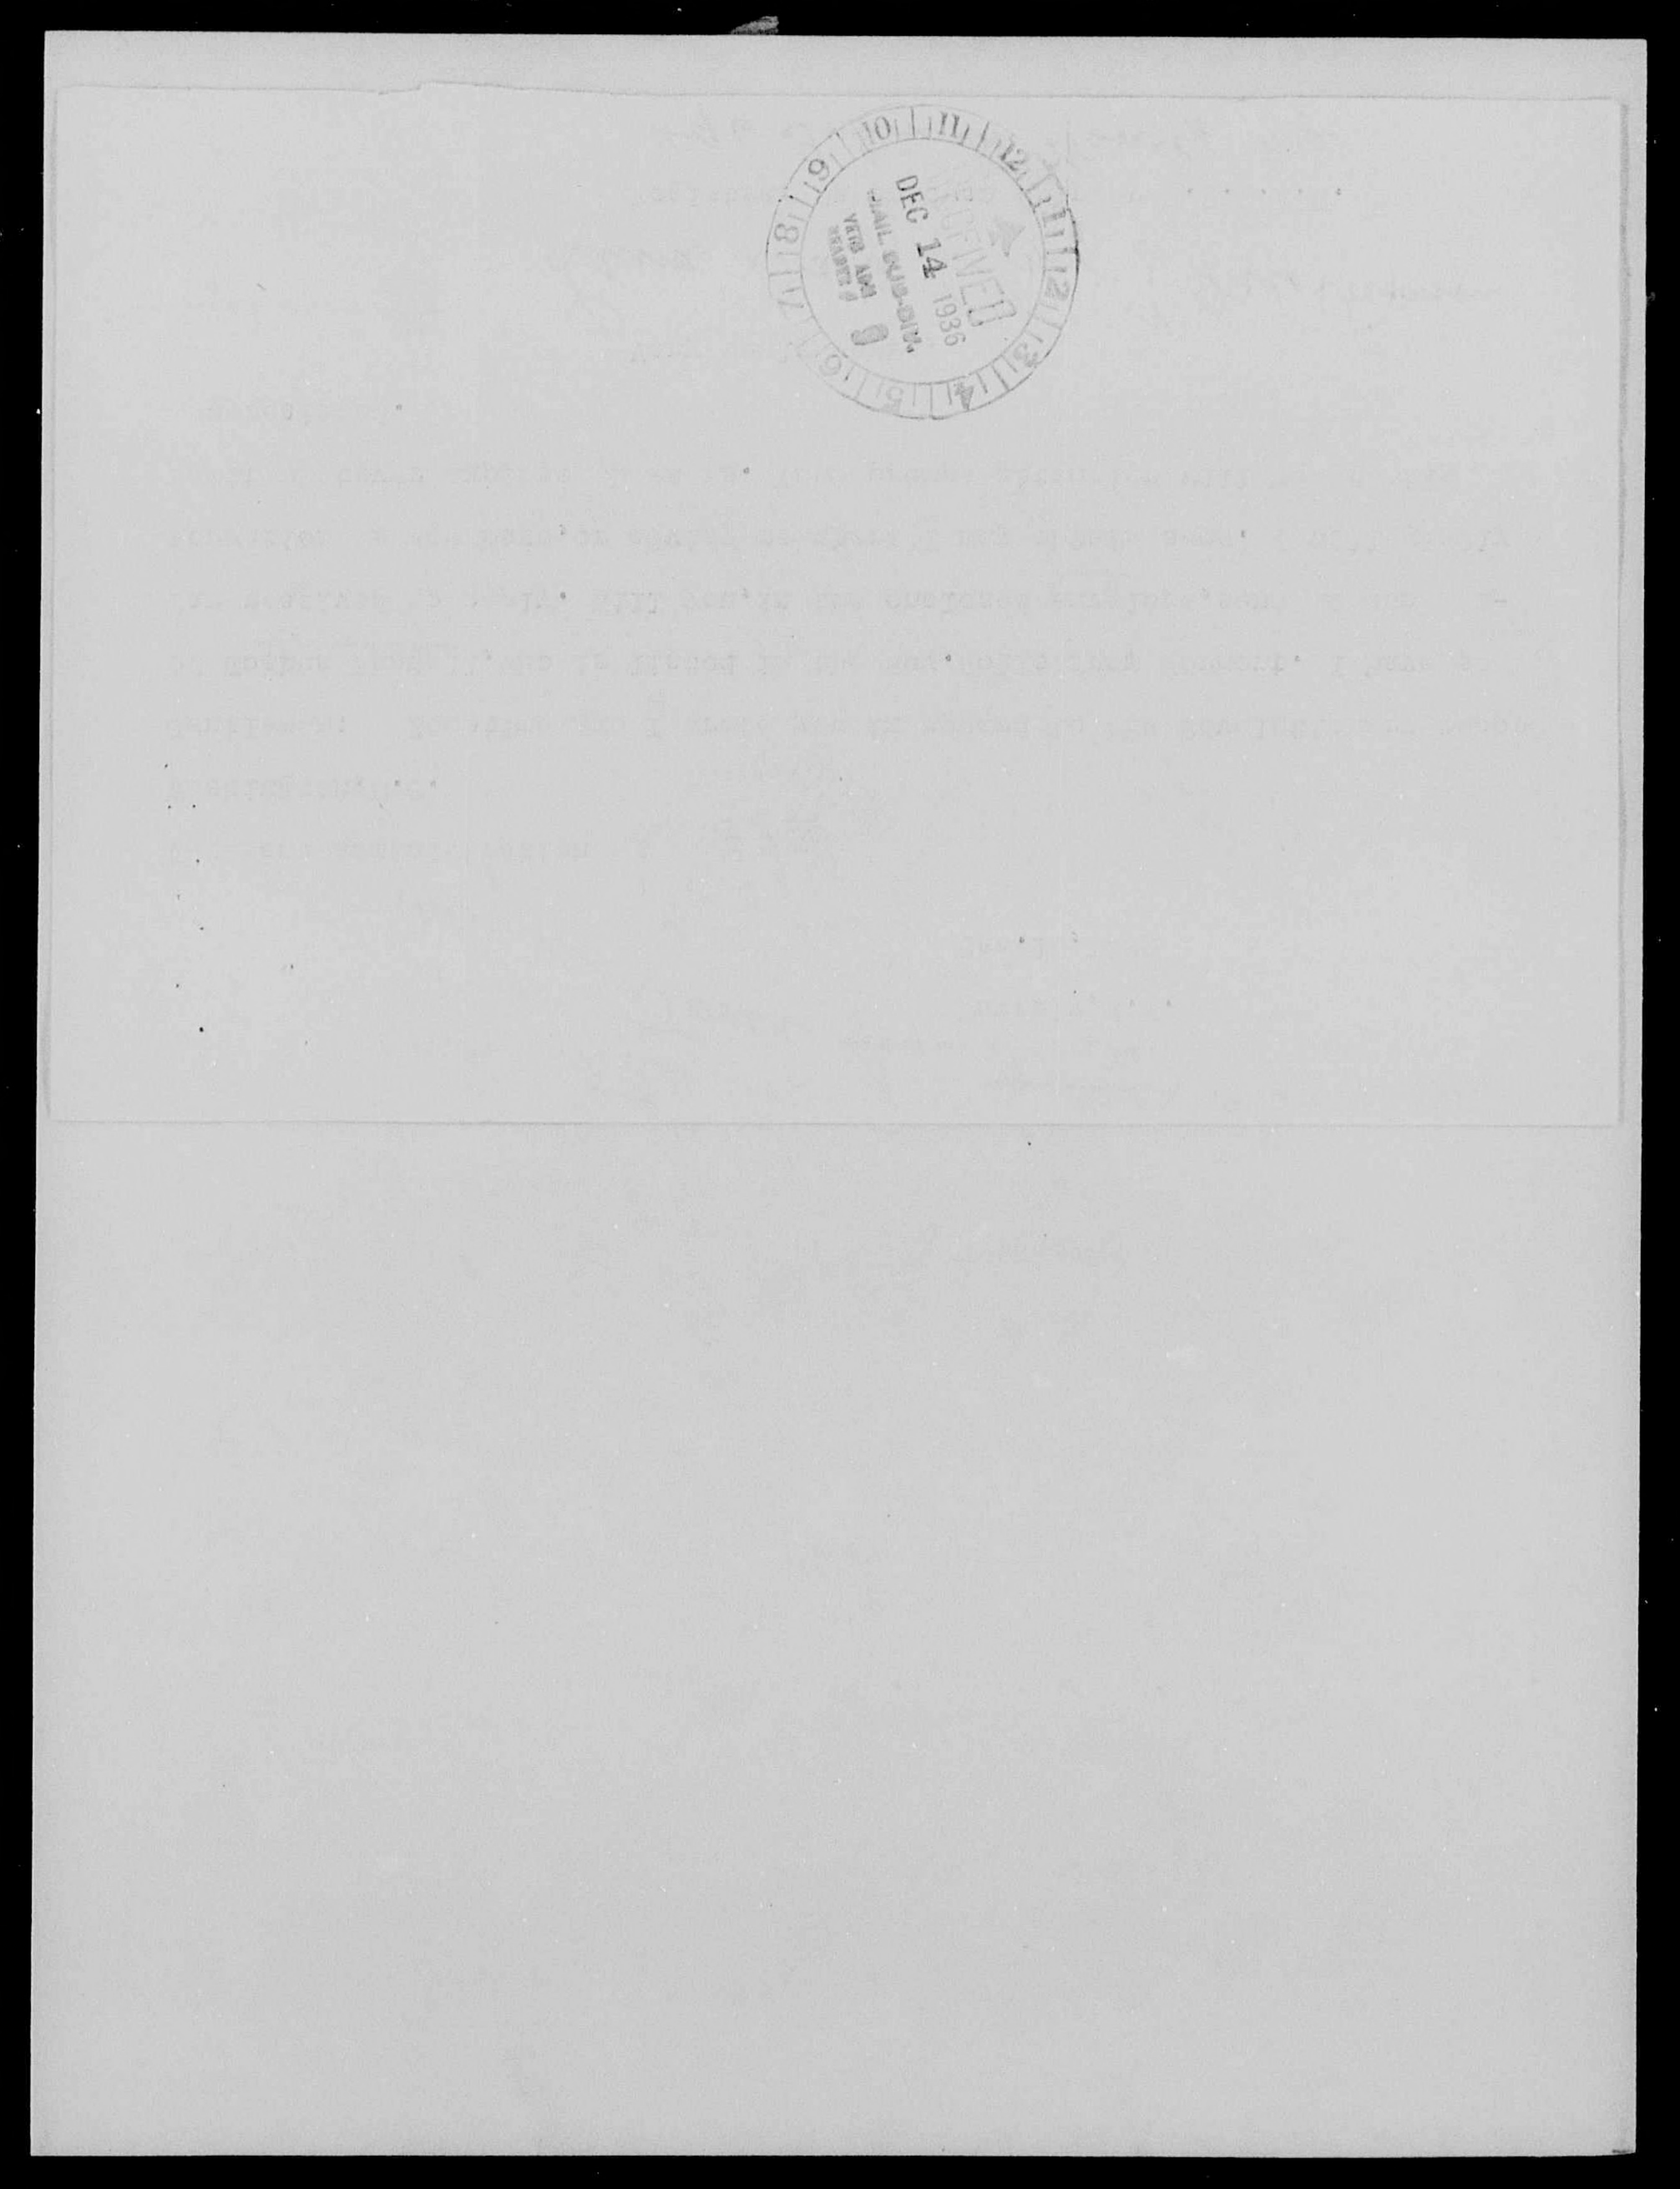[circle stamp]
RECEIVED DEC 14 1936
MAIL SUB DIV
VETS ADM
[ILLEGIBLE] 9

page: 19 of 20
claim: survivor's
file: S. 41,090, for Joshua Randall, Massachusetts